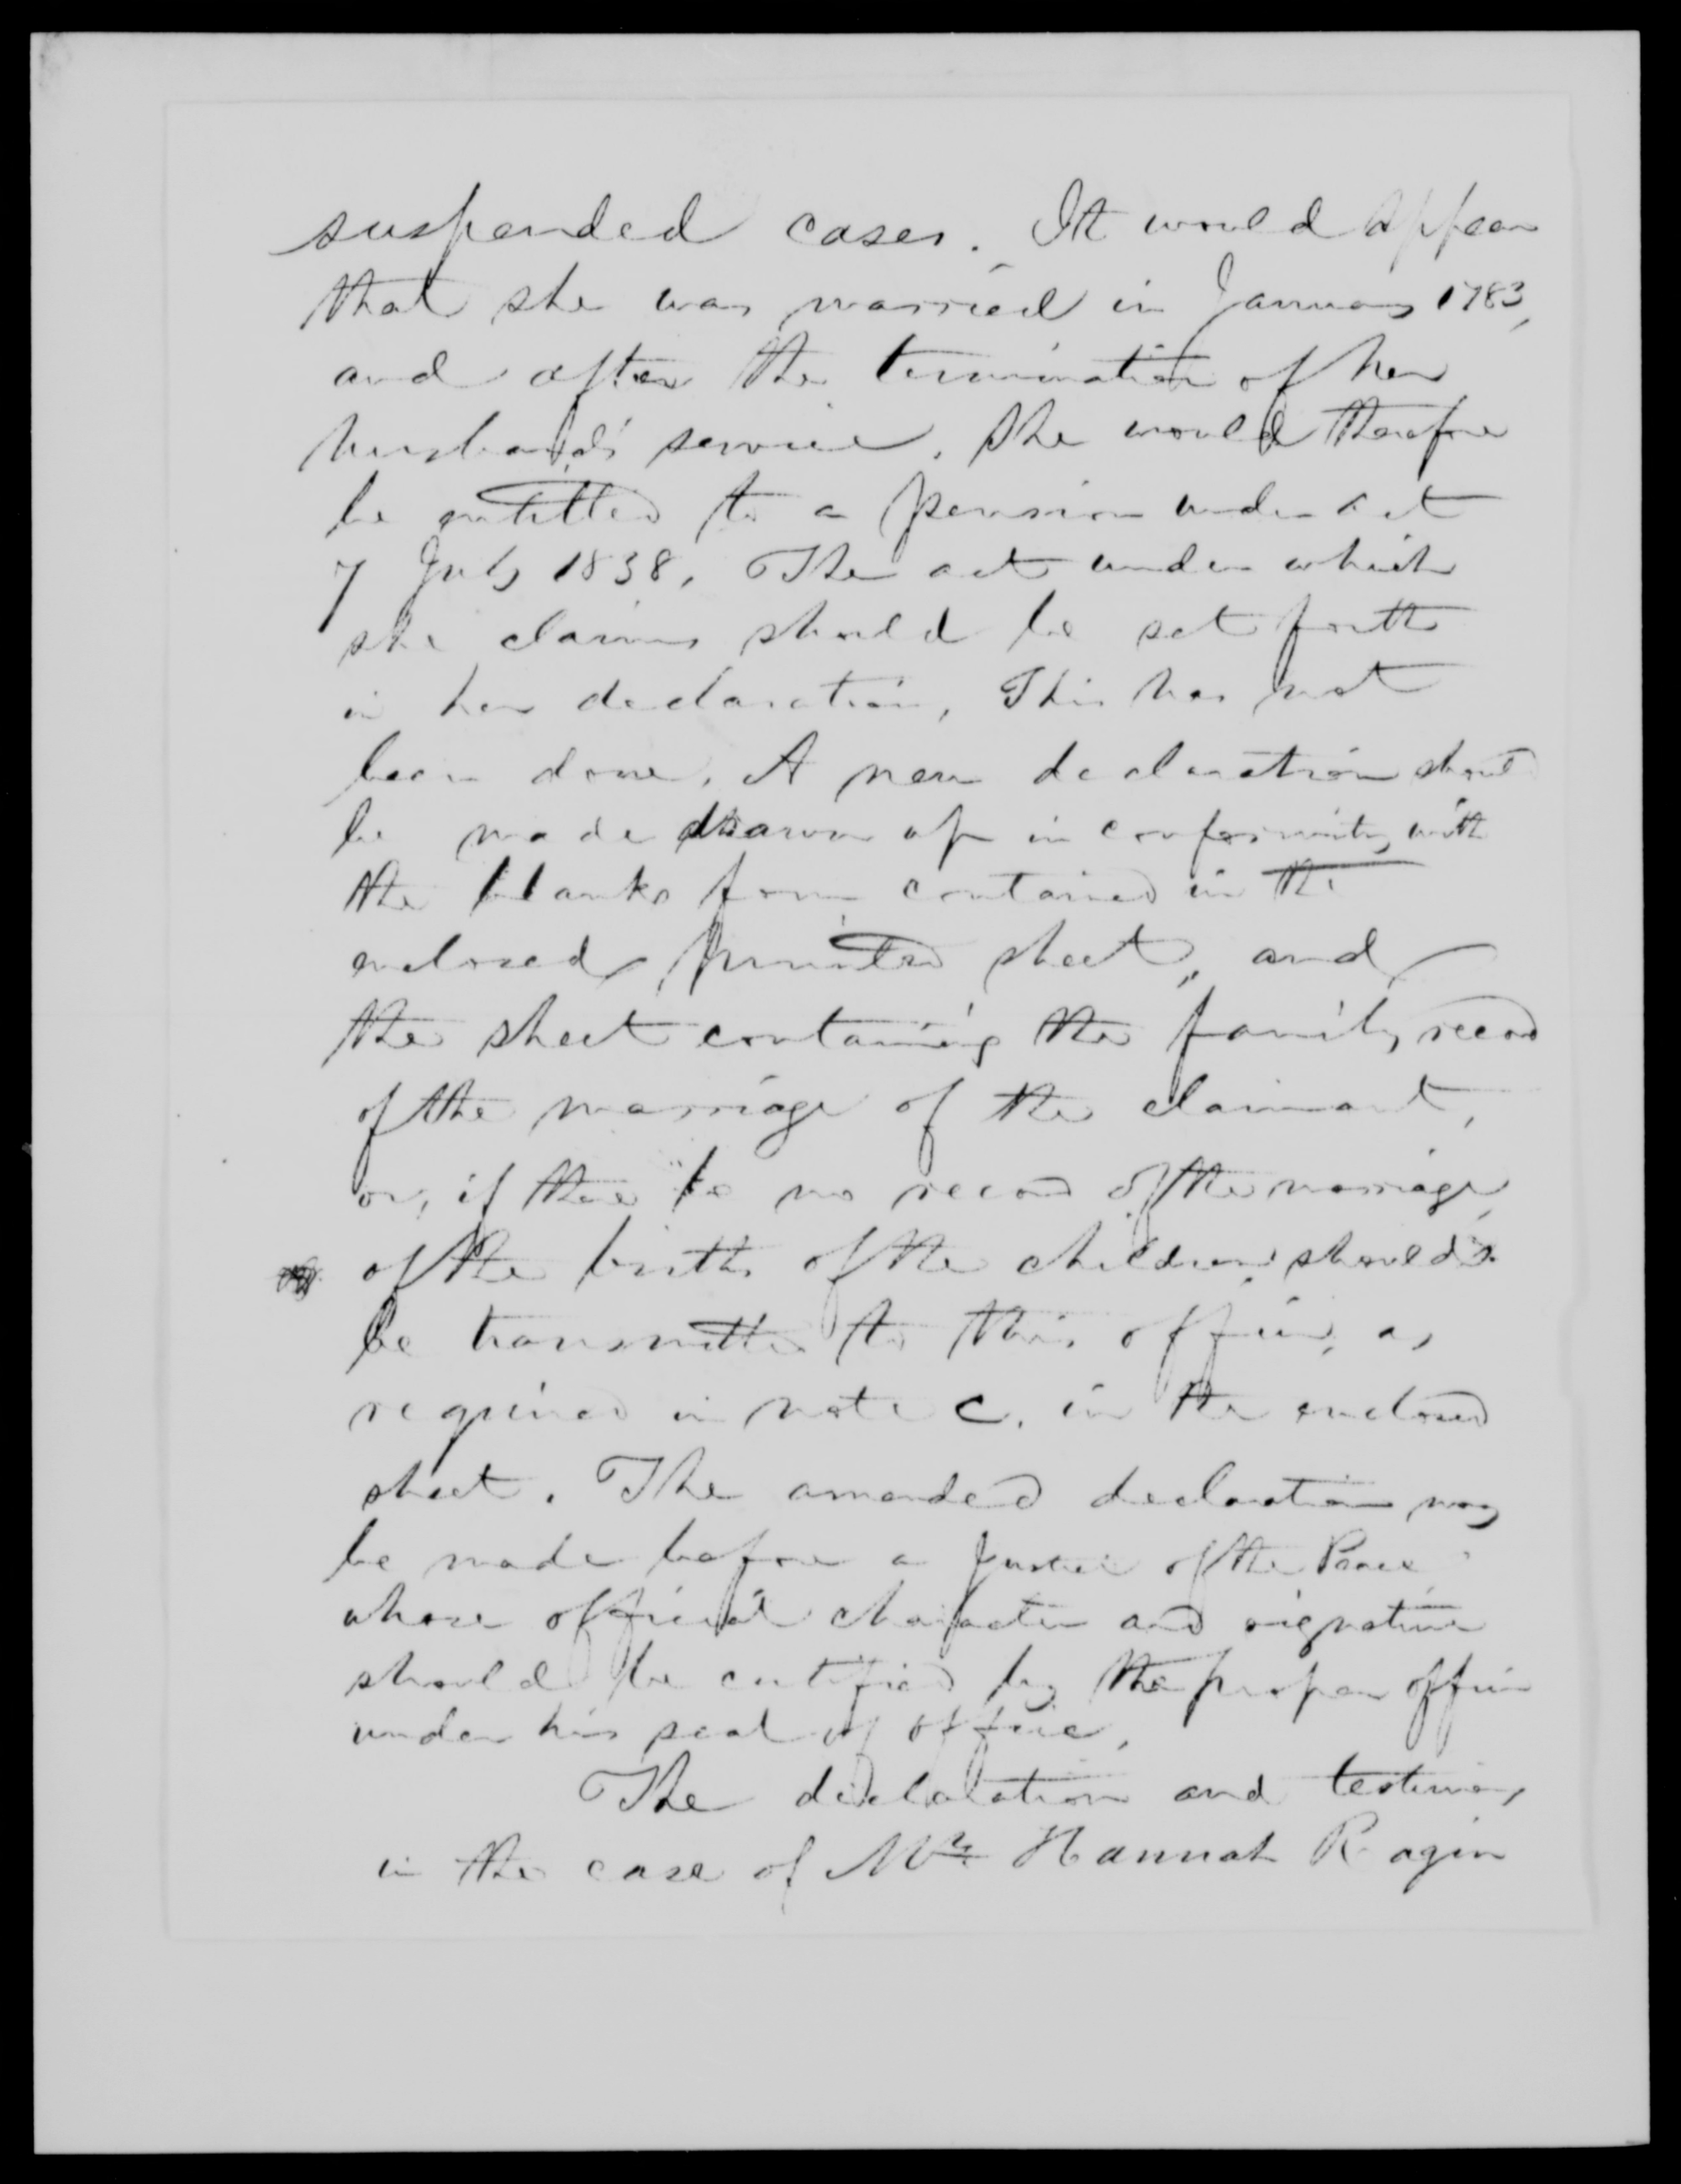suspended cases. It would appear that
she was married in January 1783
and after the termination of her
husband’s service. She would therefore
be entitled to a pension under act
7 July 1838. The act under which
she claims should be set forth
in her declaration. This has not
been done. A new declaration should
be made, drawn up in conformity with
the blank form contained in the
enclosed printed sheet, and of
the sheet containing the family record
of the marriage of the claimant, 
or, if there be no record of the marriage, of
the birth of the children should
be transmitted to this office as
required in note C in the enclosed
sheet. The amended declaration may
be made before a Justice of the Peace
whose office chapter and signature
should be certified by the proper officer
under his seal of office.
The declaration and testimony
in the case of Mrs Hannah Ragin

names: Hannah Ragin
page: 76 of 123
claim: rejected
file: R. 11,949, Matthias Young, Md.